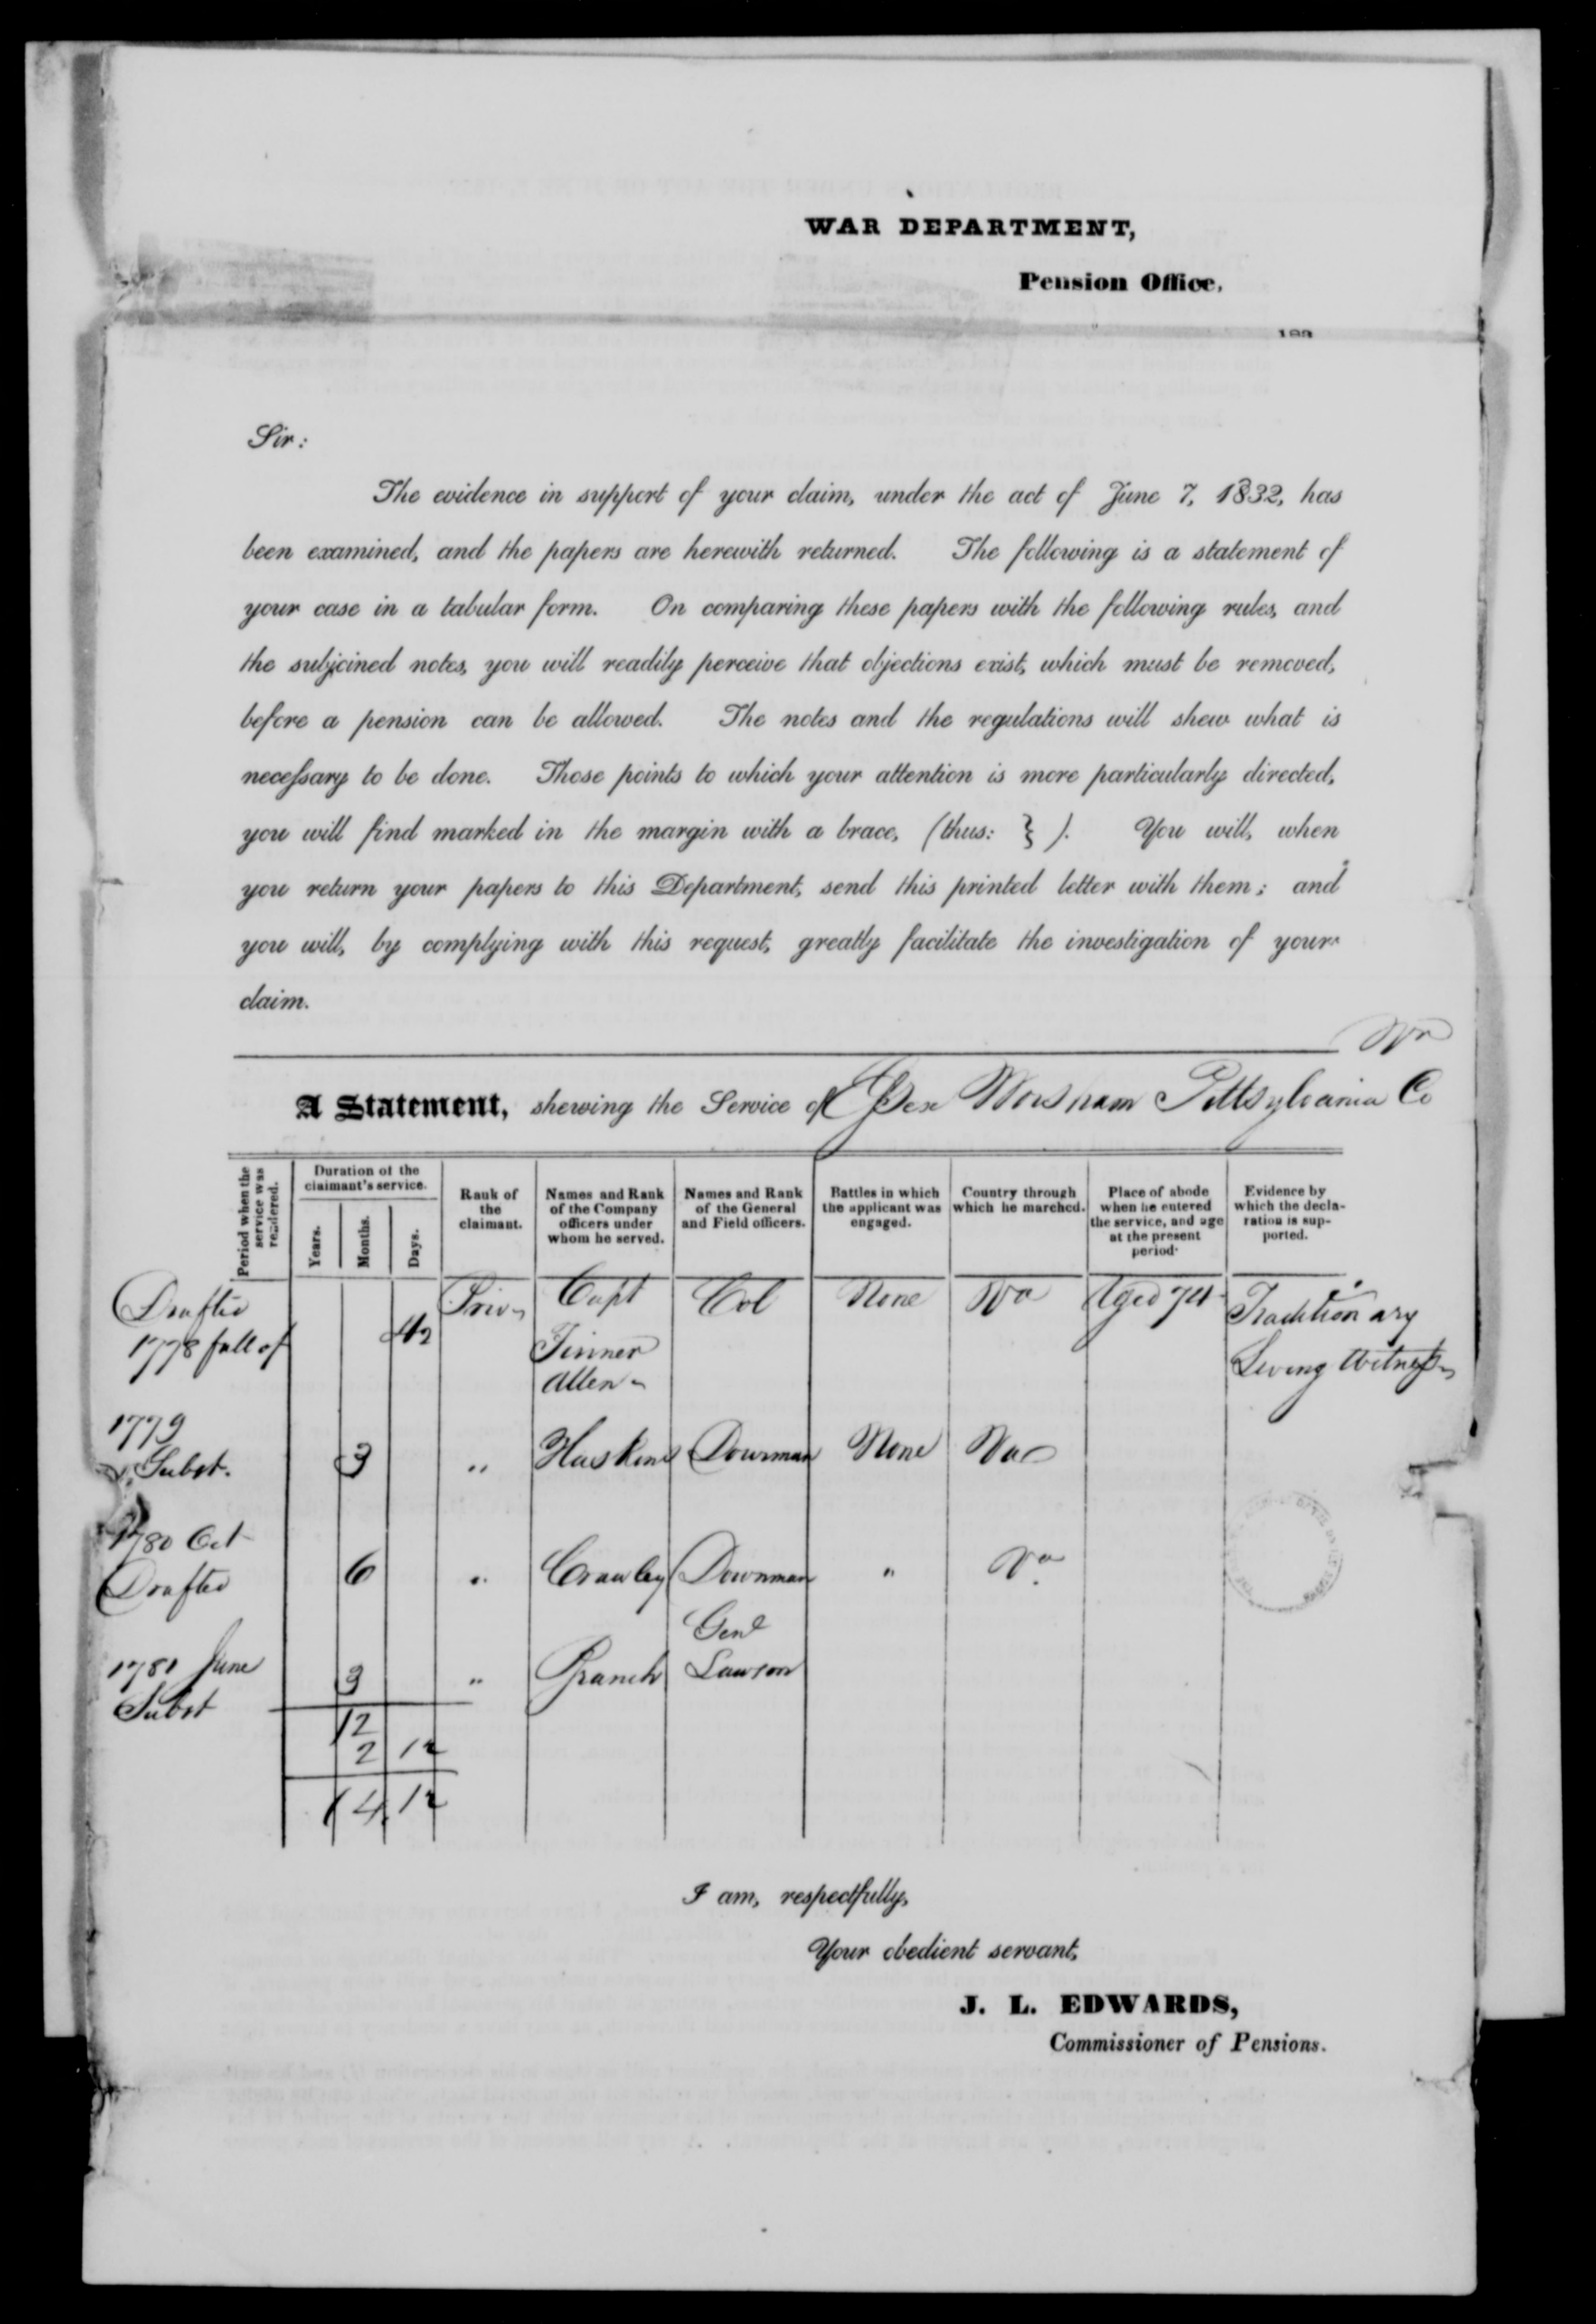WAR DEPARTMENT,
Pension Office.

Sir:

The evidence is support of your claim, under the act of June 7, 1832, has
been examined, and the papers are herewith returned. The following is a statement of
your case in a tabular form. On comparing these papers with the following rules, and
the subjoined notes you will readily perceive that objections exist, which must be removed,
before a pension can be allowed. The notes and the regulations will show what is
necessary to be done. These points to which your attention is more particularly directed,
you will find marked in the margin with a brace, (thus: } ). Your will, when
your return your papers to this Department, send this printed letter with them; and
you will, by complying with this request, greatly facilitate the investigation of your
claim.

A Statement, showing the Service of Essex Worsham Pittsylvania, Co Va

Period when the service was rendered.
Drafted 1778 fall of

Duration of claimant's service.
42 days

Rank of claimant.
Priv

Names and Rank of the Company officers under whom he served.
Capt Tinner Allen

Names and Rank of the General and Field officers.
Col

Battles in which the applicant was engaged.
None

Country though which he marched.
Va

Place of abode when he entered the service, and age at the present period.
Aged 74

Evidence by which the declaration is supported.
Tracktionary Living Witness

Period when the service was rendered.
1779 Subst.

Duration of the claimant's service.
3 Months.

Rank of the claimant.
Priv 

Names and Rank of the Company officers under whom he served.
Haskins 

Names and Rank of the General and Field officers.
Dourman

Battles in which the applicant was engages.
None

Country through which he marched.
Va

Period when the service was rendered.
1780 Oct Drafted

Duration of the claimant's service.
6 Months.

Rank of the claimant.
Priv

Names and Rank of the Company officers under whom he served.
Crawley

Names and Rank of the General and Field officers.
Downman

Battles in which the applicant was engages.
None

Country through which he marched.
Va

Period when the service was rendered.
1781 June Subst.

Duration of the claimant's service.
3 Months.

Rank of the claimant.
Priv

Names and Rank of the Company officers under whom he served.
Branch

Names and Rank of the General and Field officers.
Genl Lawson

12[Months]
2[Months] 12 [Days]
---------------------
14[Months] 12 [Days]

I am respectuflly,
Your obedient servant,
J. L. EDWARDS,
Commissioner of Pensions.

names: Branch, Lawson, Haskins, Dourman, J L Edwards, Crawley, Allen, Essex Worsham, Tinner, Downman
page: 11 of 16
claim: survivor's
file: S. 6,447, Essex Worsham, Va.